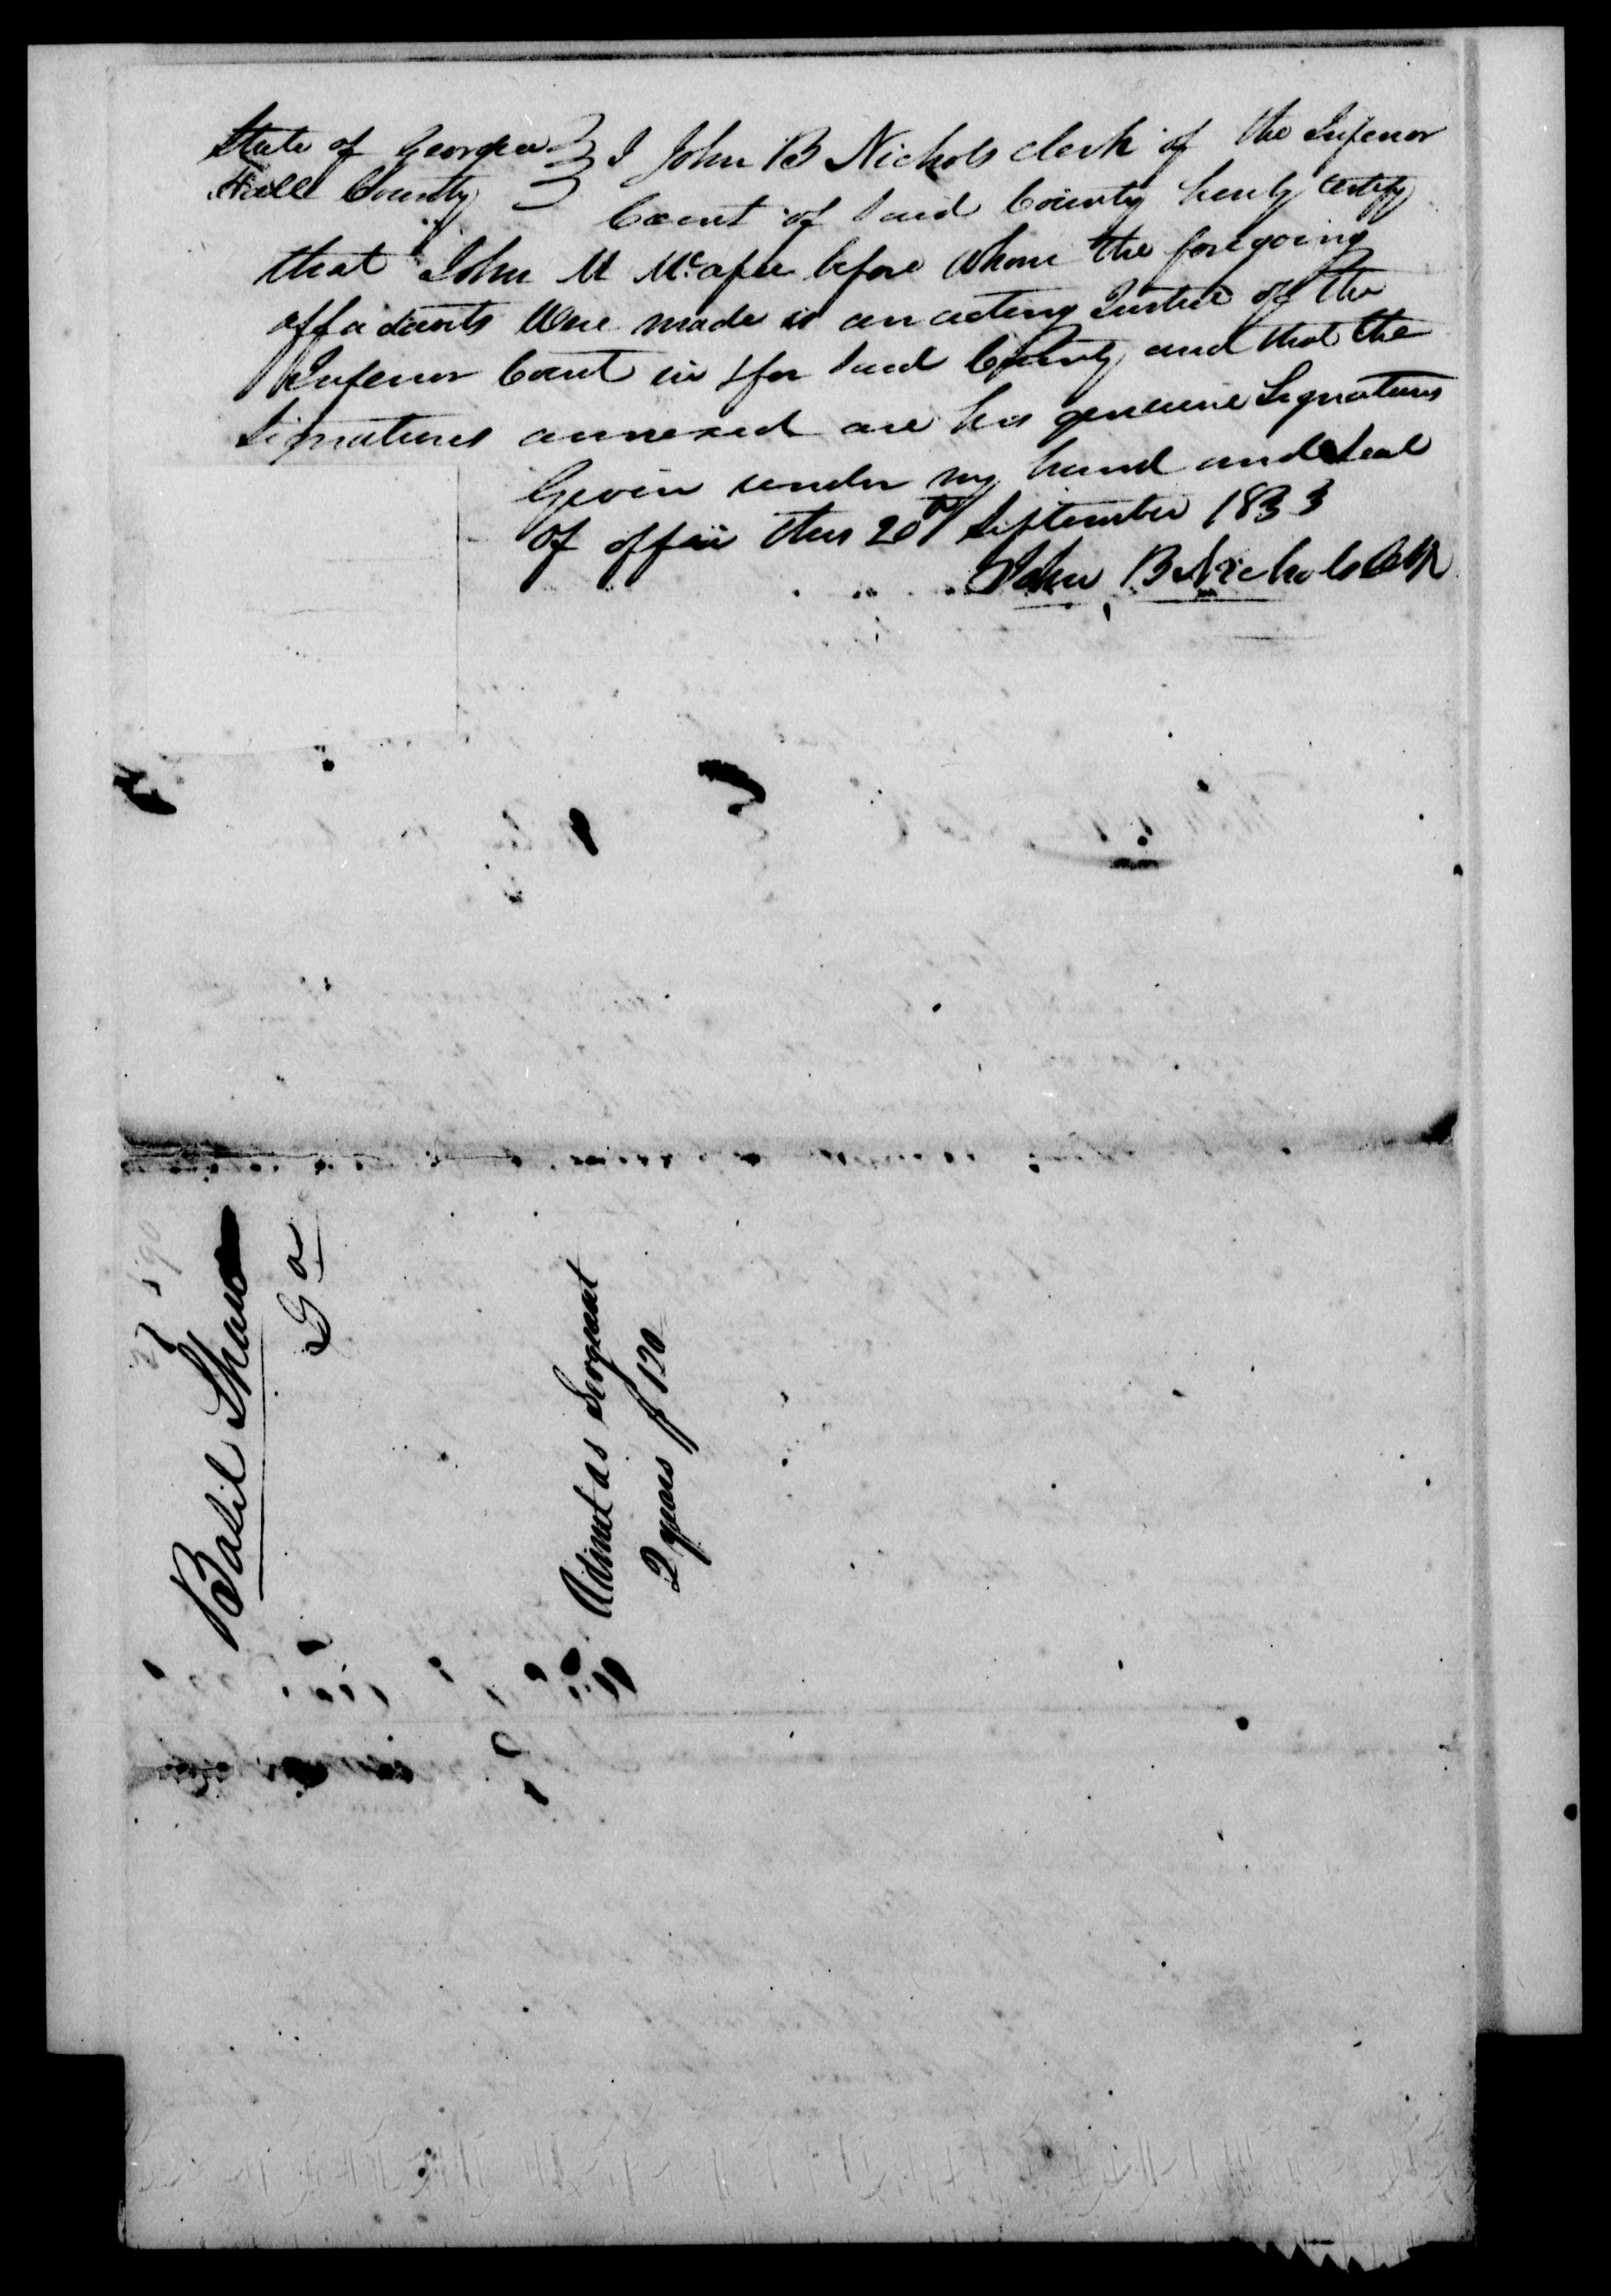State of Georgia
Hall County
I John B Nichols clerk of the Inferior
Court of said county hereby certify
that John M Mcafee before whom the foregoing
affidavits were made is an acting Justice of the
Inferior Court in and for said county and that the
signatures annexed are his genuine signatures
Given under my hand and seal
of office this 20th of September 1833
John B Nichols Clk 

27690
Basil Shaw
Ga

Admit as Sergeant
2 years $120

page: 9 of 32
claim: survivor's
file: S. 16,526, for Basil Shaw, Maryland